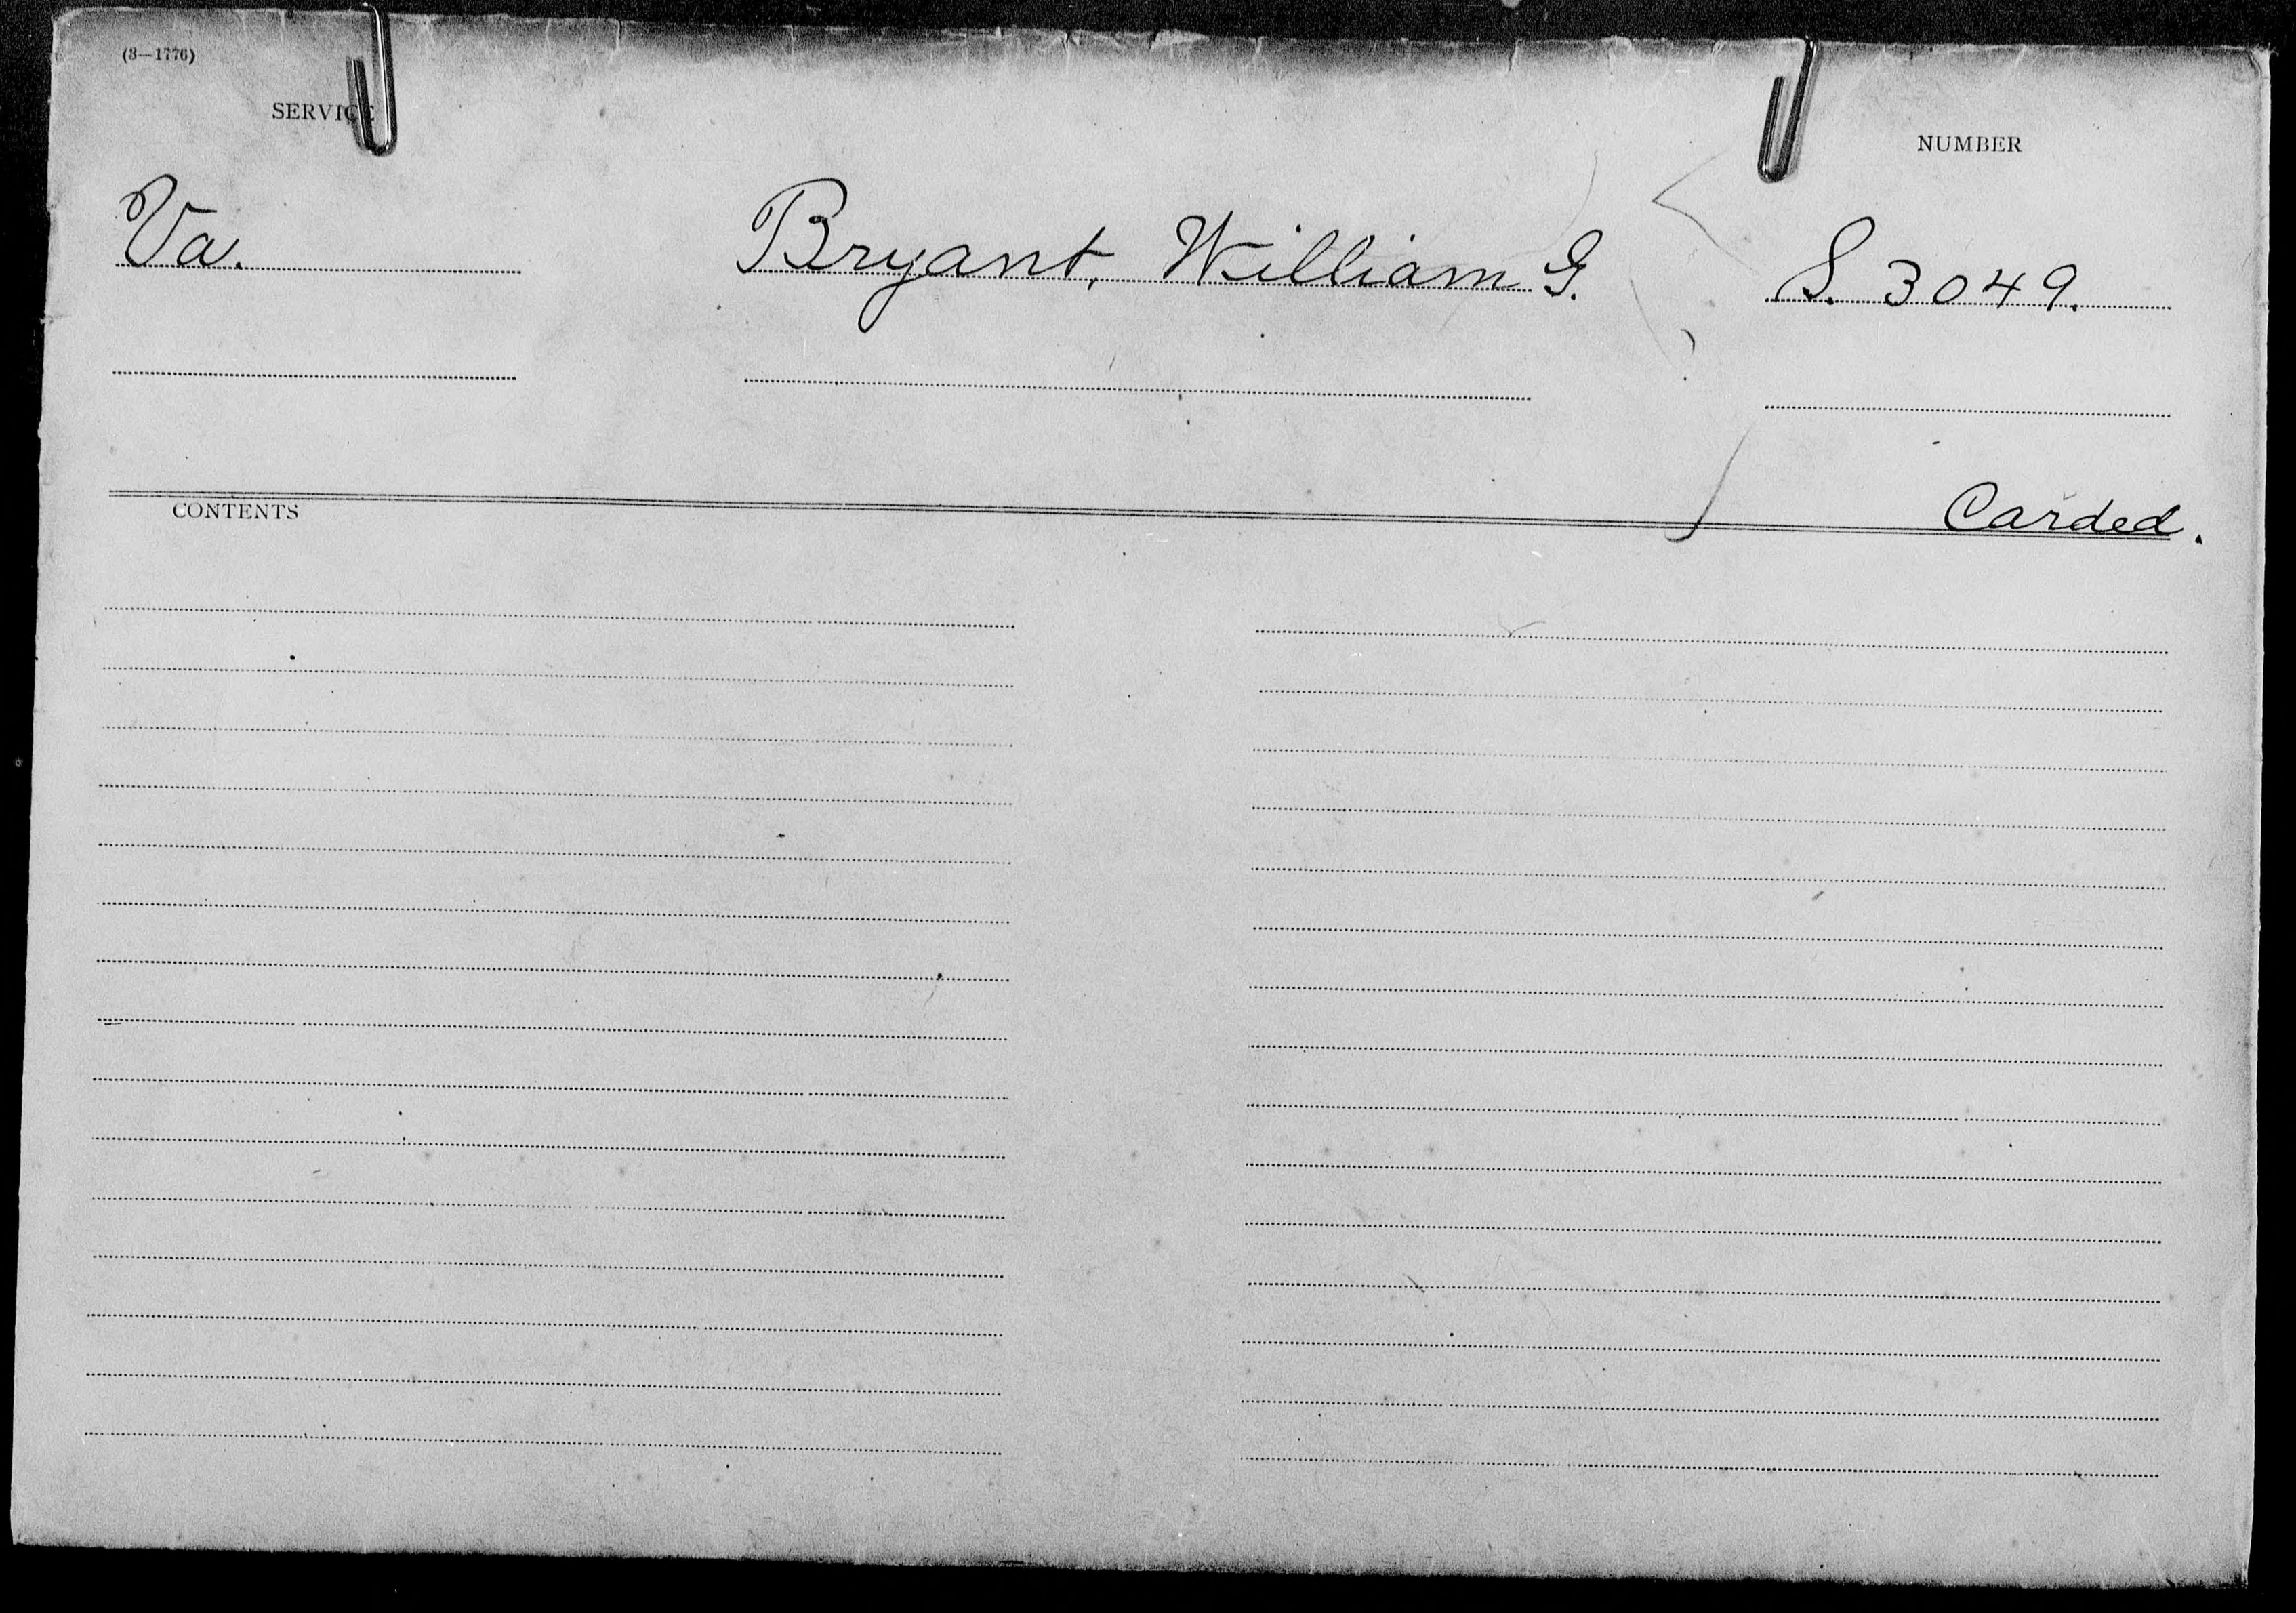Page 1
Service VA. Bryant William G. Number S.3049 Carded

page: 1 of 31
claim: survivor's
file: S. 3049, William G Bryant, Va.